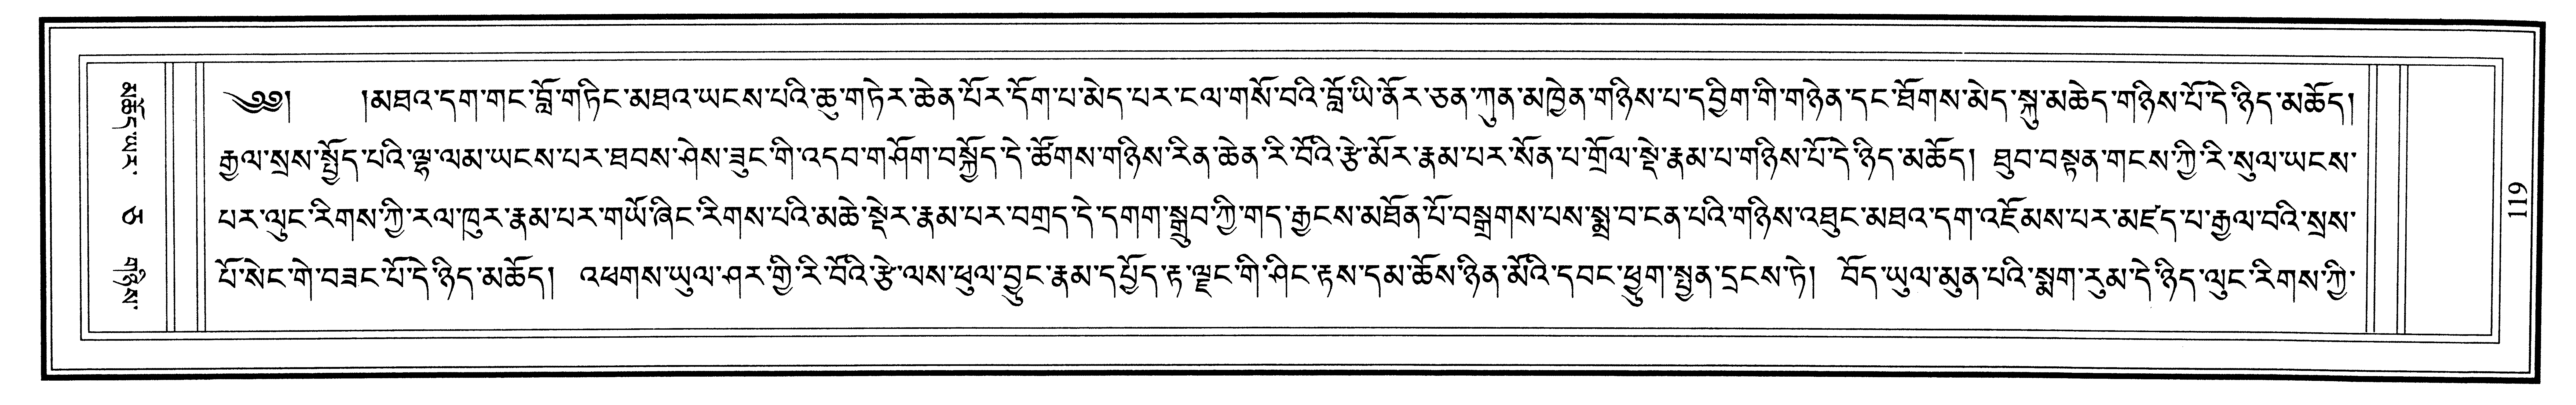༄༅། །མཐའ་དག་གང་བློ་གཏིང་མཐའ་ཡངས་པའི་ཆུ་གཏེར་ཆེན་པོར་དོག་པ་མེད་པར་ངལ་གསོ་བའི་བློ་ཡི་ནོར་ཅན་ཀུན་མཁྱེན་གཉིས་པ་དབྱིག་གི་གཉེན་དང་ཐོགས་མེད་སྐུ་མཆེད་གཉིས་པོ་དེ་ཉིད་མཆོད།
རྒྱལ་སྲས་སྤྱོད་པའི་ལྷ་ལམ་ཡངས་པར་ཐབས་ཤེས་ཟུང་གི་འདབ་གཤོག་བསྐྱོད་དེ་ཚོགས་གཉིས་རིན་ཆེན་རི་བོའི་རྩེ་མོར་རྣམ་པར་སོན་པ་གྲོལ་སྡེ་རྣམ་པ་གཉིས་པོ་དེ་ཉིད་མཆོད། ཐུབ་བསྟན་གངས་ཀྱི་རི་སུལ་ཡངས་
པར་ལུང་རིགས་ཀྱི་རལ་ཁུར་རྣམ་པར་གཡོ་ཞིང་རིགས་པའི་མཆེ་སྡེར་རྣམ་པར་བགྲད་དེ་དགག་སྒྲུབ་ཀྱི་གད་རྒྱངས་མཐོན་པོ་བསྒྲགས་པས་སྨྲ་བ་ངན་པའི་གཉིས་འཐུང་མཐའ་དག་འཇོམས་པར་མཛད་པ་རྒྱལ་བའི་སྲས་
པོ་སེང་གེ་བཟང་པོ་དེ་ཉིད་མཆོད། འཕགས་ཡུལ་ཤར་གྱི་རི་བོའི་རྩེ་ལས་ཕུལ་བྱུང་རྣམ་དཔྱོད་རྟ་ལྗང་གི་ཤིང་རྟས་དམ་ཆོས་ཉིན་མོའི་དབང་ཕྱུག་སྤྱན་དྲངས་ཏེ། བོད་ཡུལ་མུན་པའི་སྨག་རུམ་དེ་ཉིད་ལུང་རིགས་ཀྱི་